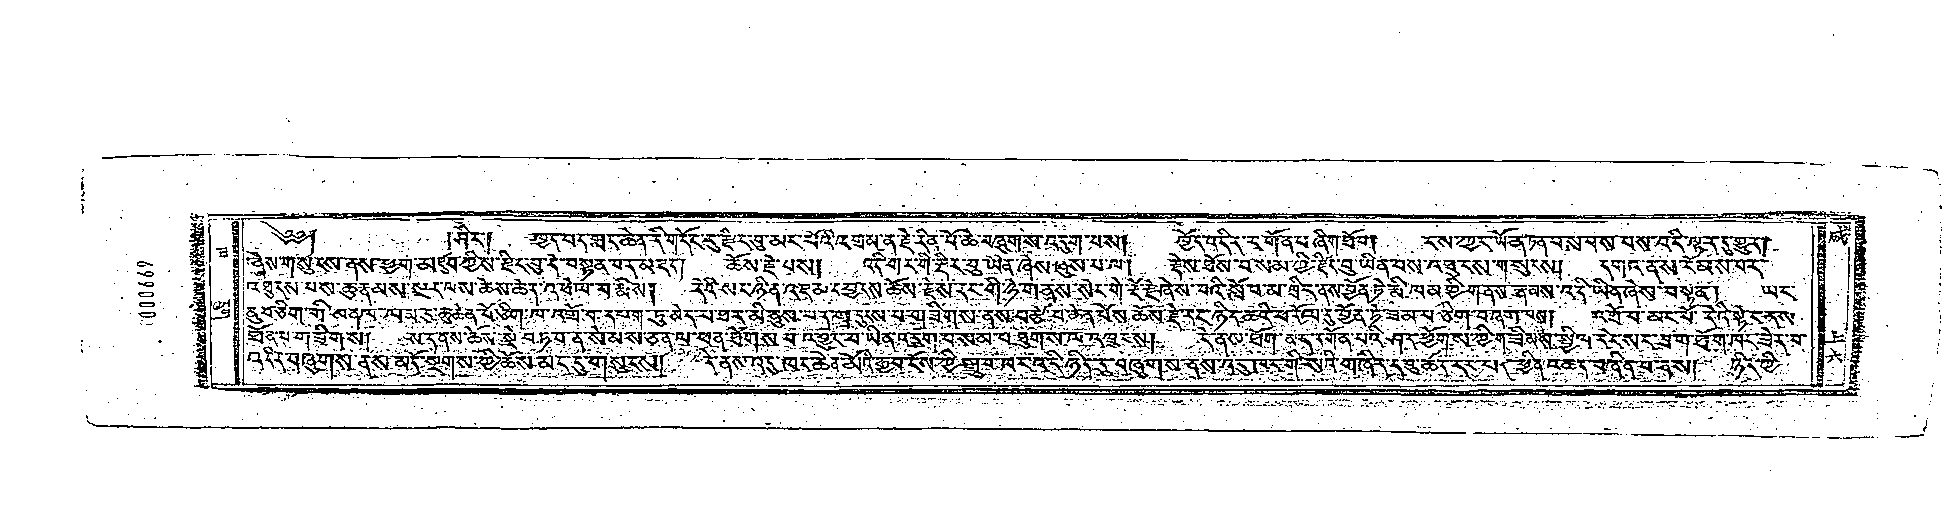༄༅། །ཤིང་། ཁྱད་པར་གླང་ཆེན་རི་གདོང་དུ་རྫིང་བུ་མང་པོའི་འགྲམ་ན་རྗེ་རིན་པོ་ཆེ་བཞུགས་འདུག་པས། ཁྱོད་འདིར་དགོན་པ་ཞིག་ཐོབ། ངས་ཀྱང་ཡོན་ཏན་བསླབས་པས་འདི་ལྟར་དུ་གྱུར།
ཞེས་གསུངས་ནས་ཕྱག་མཛུབ་ཀྱིས་རྫིང་བུ་དེ་བསྟན་པར་མཛད། ཆོས་རྗེ་པས། འདི་གང་གི་རྗིང་བུ་ཡིན་ཞེས་ཞུས་པ་ལ། རྗེས་ཐོས་བསམ་ཀྱི་རྫིང་བུ་ཡིན་པས་འཐུངས་གསུངས། དགའ་ནས་ངོམས་པར་
འཐུངས་པས་ཆུ་རྣམས་སྔར་ལས་ཆེས་ཆེར་འཕེལ་བ་རྨིས། དེའི་སང་ཉིན་འཇམ་དབྱངས་ཆོས་རྗེས་རང་གི་ཉེ་གནས་སེང་གེ་རྡོ་རྗེ་ཞེས་པའི་སློབ་མ་ཁྲིད་ནས་བྱོན་ཏེ་རྨི་ལམ་གྱི་གནས་རྣམས་འདི་ཡིན་ཞེས་བསྟན། ཡང་
ནུབ་ཅིག་གི་མནལ་ལམ་དུ་ཆུ་ཆེན་པོ་ཅིག་ལ་འགོར་བ་དཔག་ཏུ་མེད་པ་ཐར་མི་ནུས་པར་གདུངས་པ་གཟིགས་ནས་བརྩེ་བ་ཆེན་པོས་ཆོས་རྗེ་རང་ཉིད་ཆའི་ཕ་རོལ་དུ་བྱོན་ཏེ་ཟམ་པ་ཅིག་བཞག་པས། འགྲོ་བ་མང་པོ་དེའི་སྟེང་ནས་
ཐོན་པ་གཟིགས། སད་ནས་ཆོས་སྡེ་བཏབ་ན་སེམས་ཅན་ལ་ཕན་ཐོགས་པ་འབྱུང་བ་ཡིན་འདུག་བསམ་པ་ཐུགས་ལ་འཁྲུངས། དེ་ནས་ཐོག་མར་དགོན་པའི་ཤར་ཕྱོགས་ཀྱི་གཟིམས་སྤྱིལ་དེང་སང་བྲག་ཐོག་ཁང་ཟེར་བ་
འདིར་བཞུགས་ནས་མདོ་སྔགས་ཀྱི་ཆོས་མང་དུ་གསུངས། དེ་ནས་འདུ་ཁང་ཆེན་མོའི་རྒྱབ་ངོས་ཀྱི་སྒྲུབ་ཁང་འདི་ཉིད་དུ་བཞུགས་ནས་འདུ་ཁང་གི་སའི་གཞིར་དབུ་ཚད་དང་པར་ཕྱིན་འཆད་བཞིན་པ་ནས། ཉིད་ཀྱི་